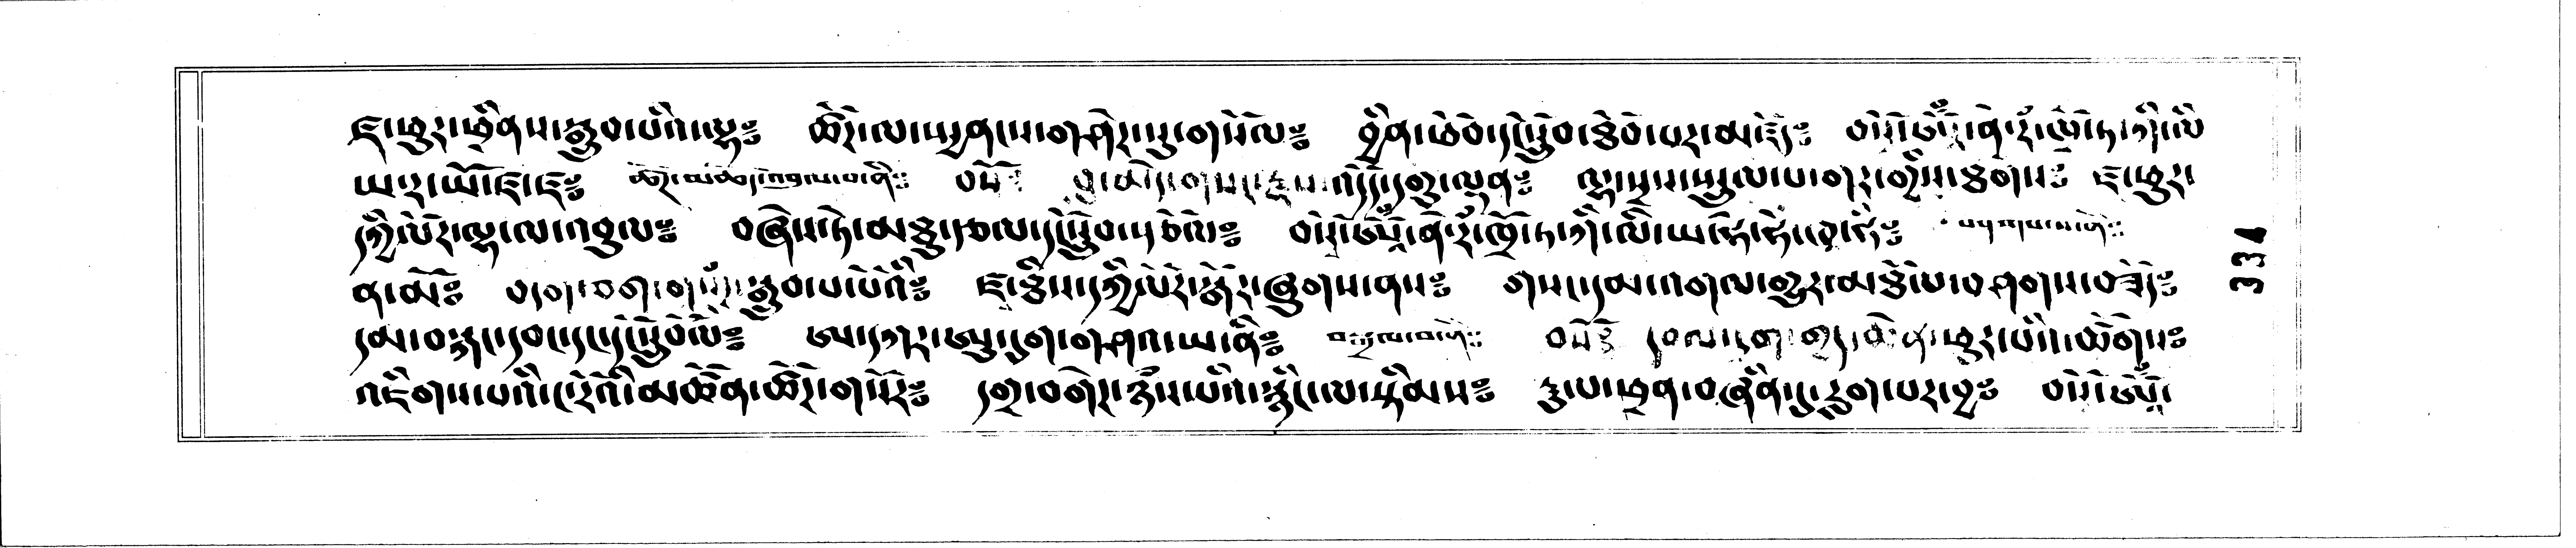ཛྭ་ཕུར་ཕྲིན་ལས་སྒྲུབ་པའི་ལྷ༔ ཚོགས་ལ་སྤྱན་དྲངས་གཤེགས་སུ་གསོལ༔ བྱིན་ཕོབ་དངོས་གྲུབ་ཐོབ་པར་མཛོད༔ བསྭོ་ཨཱོྃ་ནེ་རམ་ཁྲོ་ཏ་ཀི་ལི་
ཡ་ར་ཡོ་ཛ་ཛ༔ ཚོགས་མཆོད་འབུལ་བ་ནི༔ བསྭོ༔ བླ་མེད་གསང་རྫས་འདོད་དགུ་ལྡན༔ ལྷ་སྲས་སྤྲུལ་པ་གར་གྱིས་ཐོགས༔ ཛྭ་ཕུར་
དཀྱིལ་འཁོར་ལྷ་ལ་འབུལ༔ བཞེས་ཏེ་མཐུ་རྩལ་དངོས་གྲུབ་སྩོལ༔ བསྭོ་ཨཱོྃ་ནེ་རམ་ཁྲོ་ཏ་ཀི་ལི་ཡ་ཧེ་ཧེ་ཁཱ་ཧི༔ བཤགས་པ་ནི༔ 
ན་མོཿ བདག་ཅག་གསང་སྔགས་སྒྲུབ་པ་པོའི༔ ཛྭ་ཐིས་དཀྱིལ་འཁོར་སྐོར་ཞུགས་ནས༔ གསང་དམ་འགལ་གྱུར་མཐོལ་བཤགས་བཟོད༔ 
དམ་བསྐང་དབང་དང་དངོས་གྲུབ་སྩོལ༔ ཨ་དཀར་ཨུ་དུག་གཤའ་ཡ་ནི༔ བསྒྲལ་བ་ནི༔ བསྭོཿ དབལ་དུག་གྱད་ཆེན་ཕུར་པའི་ཚོགསཿ
 འཇིགས་པའི་ང་རོའི་མཚོན་ཚོགས་གསོར༔ དགྲ་བགེགས་ཉམས་པའི་སྙིང་ལ་བསྟིམས༔ རྡུལ་ཕྲན་བཞིན་དུ་བརླག་པར་བྱཿ བསྭོ་ཨཱོྃ་